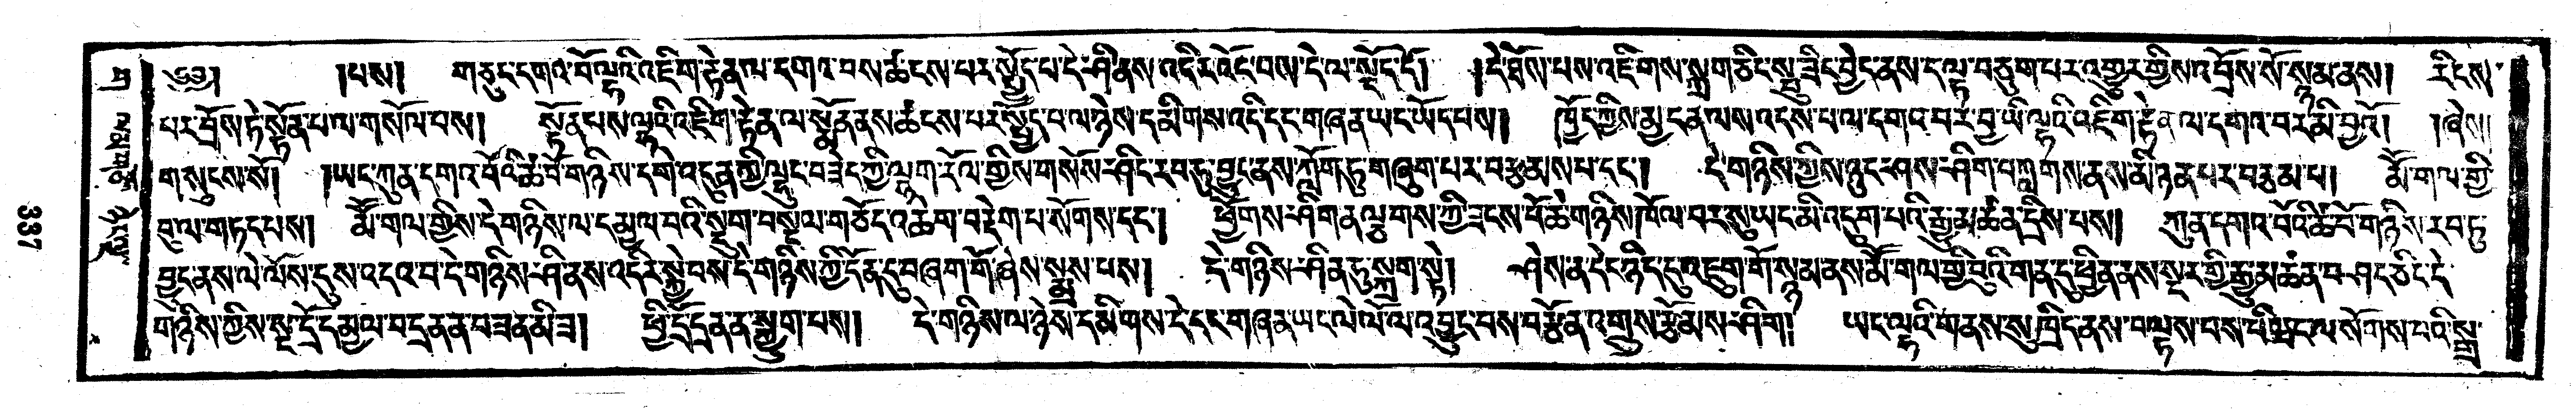༄༅། །པས། གཅུང་དགའ་བོ་ལྷའི་འཇིག་རྟེན་ལ་དགའ་བས་ཚངས་པར་སྤྱོད་པ་དེ་ཤི་ནས་འདིར་འོང་བས་དེ་ལ་སྡོད་དོ། །དེ་ཐོས་པས་འཇིགས་སྐྲག་ཅིང་སྤུ་ཟིང་བྱེད་ནས་ད་ལྟ་བཅུག་པར་འགྱུར་གྱིས་འབྲོས་སོ་སྙམ་ནས། རིངས་
པར་བྲོས་ཏེ་སྟོན་པ་ལ་གསོལ་བས། སྟོན་པས་ལྷའི་འཇིག་རྟེན་ལ་སྨོན་ནས་ཚངས་པར་སྤྱོད་པ་ལ་ཉེས་དམིགས་འདི་དང་གཞན་ཡང་ཡོད་པས། ཁྱོད་ཀྱིས་མྱ་ངན་ལས་འདས་པ་ལ་དགའ་བར་བྱ་ཡི་ལྷའི་འཇིག་རྟེན་ལ་དགའ་བར་མི་བྱའོ། །ཞེས།
གསུངས་སོ། །ཡང་ཀུན་དགའ་བོའི་ཚ་བོ་གཉིས་དགེ་འདུན་ཀྱི་ལྷུང་བཟེད་ཀྱི་ལྷག་རོལ་གྱིས་གསོས་ཤིང་རབ་ཏུ་བྱུང་ནས་ཀློག་ཏུ་གཞུག་པར་བརྩམས་པ་དང་། དེ་གཉིས་ཀྱིས་ཉུང་ཤས་ཤིག་བཀླགས་ནས་མི་ཉན་པར་བརྩམ་པ། མཽ་གལ་གྱི་
བུ་ལ་གཏད་པས། མཽ་གལ་གྱིས་དེ་གཉིས་ལ་དམྱལ་བའི་སྡུག་བསྔལ་གཅོད་འཆེག་བརྡེག་པ་སོགས་དང་། ཕྱོགས་ཤིག་ན་ལྕགས་ཀྱི་ཟངས་པོ་ཆེ་གཉིས་ཁོལ་བར་སུ་ཡང་མི་འདུག་པའི་རྒྱུ་མཚན་དྲིས་པས། ཀུན་དགའ་བོའི་ཚ་བོ་གཉིས་རབ་ཏུ་
བྱུང་ནས་ལེ་ལོས་དུས་འདའ་བ་དེ་གཉིས་ཤི་ནས་འདིར་སྐྱེ་བས་དེ་གཉིས་ཀྱི་དོན་དུ་བཞག་གོ་ཞེས་སྨྲས་པས། དེ་གཉིས་ཤིན་ཏུ་སྐྲག་སྟེ། ཤེས་ན་དེར་ཉིད་དུ་འཇུག་གོ་སྙམ་ནས་མཽ་གལ་གྱི་བུའི་གན་དུ་ཕྱིན་ནས་སྔར་གྱི་རྒྱུ་མཚན་བཤང་ཅིང་དེ་
གཉིས་ཀྱིས་སྔ་དྲོ་དམྱལ་བ་དྲན་ན་བཟན་མི་ཟ། ཕྱི་དྲོ་དྲན་ན་སྐྱུག་པས། དེ་གཉིས་ལ་ཉེས་དམིགས་དེ་དང་གཞན་ཡང་ལེ་ལོ་ལ་འབྱུང་བས་བརྩོན་འགྲུས་རྩོམས་ཤིག། ཡང་ལྷའི་གནས་སུ་ཁྲིད་ནས་བལྟས་བས་པི་ཝང་ལ་སོགས་པའི་སྒྲ་